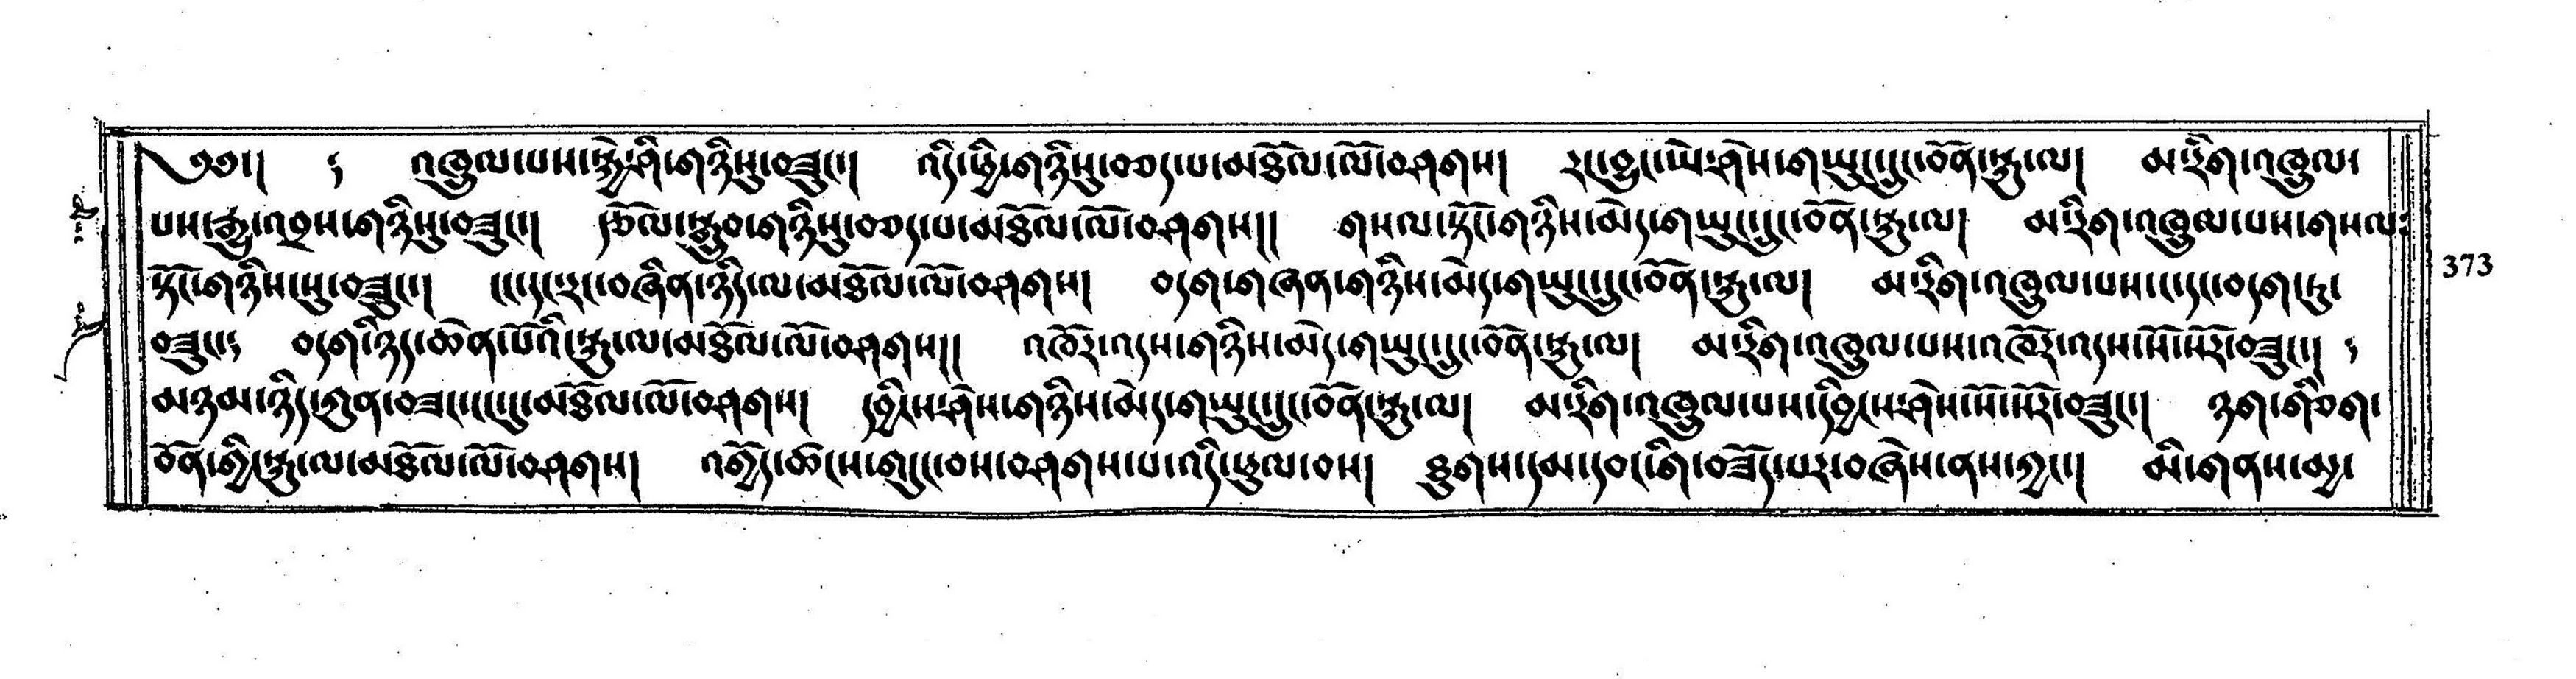འཁྲུལ་པས་སྐྱེ་ཤི་གཉིས་སུ་བཟུང་། འདི་ཕྱི་གཉིས་སུ་བཅད་པ་མཐོལ་ལོ་བཤགས། རང་བྱུང་ཡེ་ཤེས་གཡུང་དྲུང་བོན་སྐུ་ལ། མ་རིག་འཁྲུལ་
པས་རྒྱུ་འབྲས་གཉིས་སུ་བཟུང་། རྩོལ་སྒྲུབ་གཉིས་སུ་བཅད་པ་མཐོལ་ལོ་བཤགས།། གསལ་སྟོང་གཉིས་མེད་གཡུང་དྲུང་བོན་སྐུ་ལ། མ་རིག་འཁྲུལ་པས་གསལ་
སྟོང་གཉིས་སུ་བཟུང་། ངང་དང་རང་བཞིན་ཉིད་ལ་མཐོལ་ལོ་བཤགས། བདག་གཞན་གཉིས་མེད་གཡུང་དྲུང་བོན་སྐུ་ལ། མ་རིག་འཁྲུལ་པས་ང་དང་བདག་ཏུ་
བཟུང་། བདག་ཉིད་ཆེན་པོའི་སྐུ་ལ་མཐོལ་ལོ་བཤགས།། འཁོར་འདས་གཉིས་མེད་གཡུང་དྲུང་བོན་སྐུ་ལ། མ་རིག་འཁྲུལ་པས་འཁོར་འདས་སོ་སོར་བཟུང་། 
མཉམ་ཉིད་ཀུན་བཟང་ངང་དུ་མཐོལ་ལོ་བཤགས། དབྱིངས་ཤེས་གཉིས་མེད་གཡུང་དྲུང་བོན་སྐུ་ལ། མ་རིག་འཁྲུལ་པས་དབྱིངས་ཤེས་སོ་སོར་བཟུང་། ཉག་གཅིག་
བོན་གྱི་སྐུ་ལ་མཐོལ་ལོ་བཤགས། འགྱོད་ཚངས་གདུང་བས་བཤགས་པ་འདི་ཕུལ་བས། ཐུགས་དམ་དབང་གི་བཟོད་པར་བཞེས་ནས་ཀྱང་། མི་གནས་མྱ་